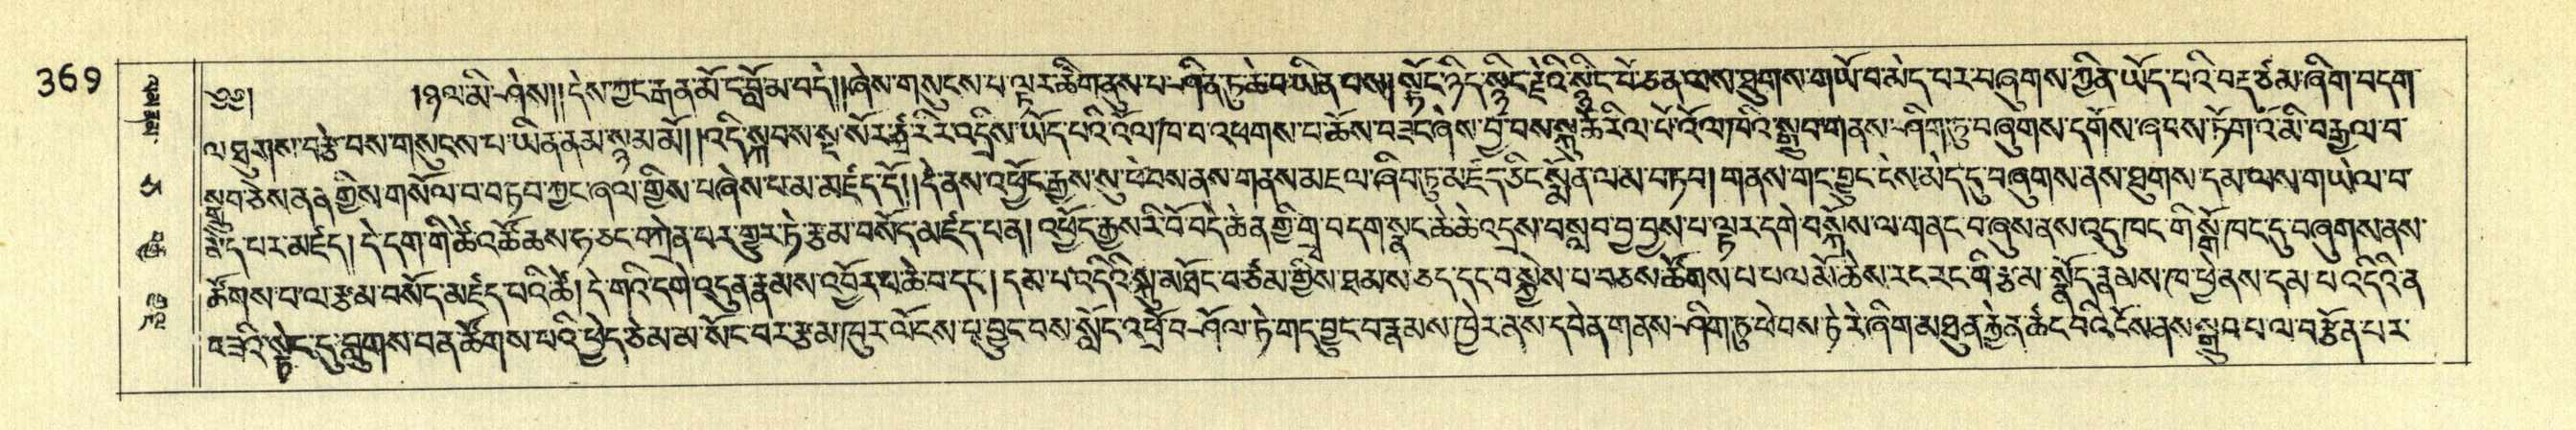༄༅། །ཉལ་མི་ཤེས། །དེས་ཀྱང་རྒན་མོ་ང་བློ་མ་བདེ། །ཞེས་གསུངས་པ་ལྟར་ཚིག་ནུས་པ་ཤིན་ཏུ་ཆེ་བ་ཡིན་པས། སྟོང་ཉིད་སྙིང་རྗེའི་སྙིང་པོ་ཅན་ལས་ཐུགས་གཡོ་བ་མེད་པར་བཞུགས་ཀྱིན་ཡོད་པའི་བརྡ་ཙམ་ཞིག་བདག་
ལ་ཐུགས་བརྩེ་བས་གསུངས་པ་ཡིན་ནམ་སྙམ་མོ། །འདི་སྐབས་སྔ་སོར་ཙྭ་རིར་འདྲིས་ཡོད་པའི་འོལ་ཁ་བ་འཕགས་པ་ཆོས་བཟང་ཞེས་བྱ་བས་སྐུ་ཚེ་རིལ་པོ་འོལ་ཁའི་སྒྲུབ་གནས་ཤིག་ཏུ་བཞུགས་དགོས་ཞབས་ཏོག་འོ་མི་བརྒྱལ་བ་
སྒྲུབ་ཅེས་ནན་གྱིས་གསོལ་བ་བཏབ་ཀྱང་ཞལ་གྱིས་བཞེས་པ་མ་མཛད་དོ། །དེ་ནས་འཕྱོང་རྒྱས་སུ་ཕེབས་ནས་གནས་མཇལ་ཞིབ་ཏུ་མཛད་ཅིང་སྨོན་ལམ་བཏབ། གནས་གང་བྱུང་ངེས་མེད་དུ་བཞུགས་ནས་ཐུགས་དམ་ལས་གཡེལ་བ་
མེད་པར་མཛད། དེ་དག་གི་ཚེ་འཚོ་ཆས་ཧ་ཅང་བཀྲེན་པར་གྱུར་ཏེ་རྩམ་བསོད་མཛད་པ་ན། འཕྱོང་རྒྱས་རི་བོ་བདེ་ཆེན་གྱི་གྲྭ་བདག་སྣང་ཆེ་ཆེ་འདྲས་བསླབ་བྱ་བྱས་པ་ལྟར་དགེ་བསྐོས་ལ་གནང་བ་ཞུས་ནས་འདུ་ཁང་གི་སྒོ་ཁང་དུ་བཞུགས་ནས་
ཚོགས་པ་ལ་རྩམ་བསོད་མཛད་པའི་ཚེ། དེ་གའི་དགེ་འདུན་རྣམས་འབྱོར་པ་ཆེ་བ་དང་། དམ་པ་འདིའི་སྐུ་མཐོང་བ་ཙམ་གྱིས་ཐམས་ཅད་དང་བ་སྐྱེས་པ་བཅས་ཚོགས་པ་པལ་མོ་ཆེས་རང་རང་གི་རྩམ་སྣོད་རྣམས་ཁ་ཕྱེ་ནས་དམ་པ་འདིའི་ན་
བཟའི་སྟེང་དུ་བླུགས་བ་ན་ཚོགས་པའི་ཕྱེད་ཅེམ?་མ་སོང་བར་རྩམ་ཁུར་ལོངས་པ་བྱུང་བས་སློང་འཕྲོ་བཤོལ་ཏེ་གང་བྱུང་བ་རྣམས་ཁྱེར་ནས་དབེན་གནས་ཤིག་ཏུ་ཕེབས་ཏེ་རེ་ཞིག་མཐུན་རྐྱེན་ཚང་བའི་ངོས་ནས་སྒྲུབ་པ་ལ་བརྩོན་པར་